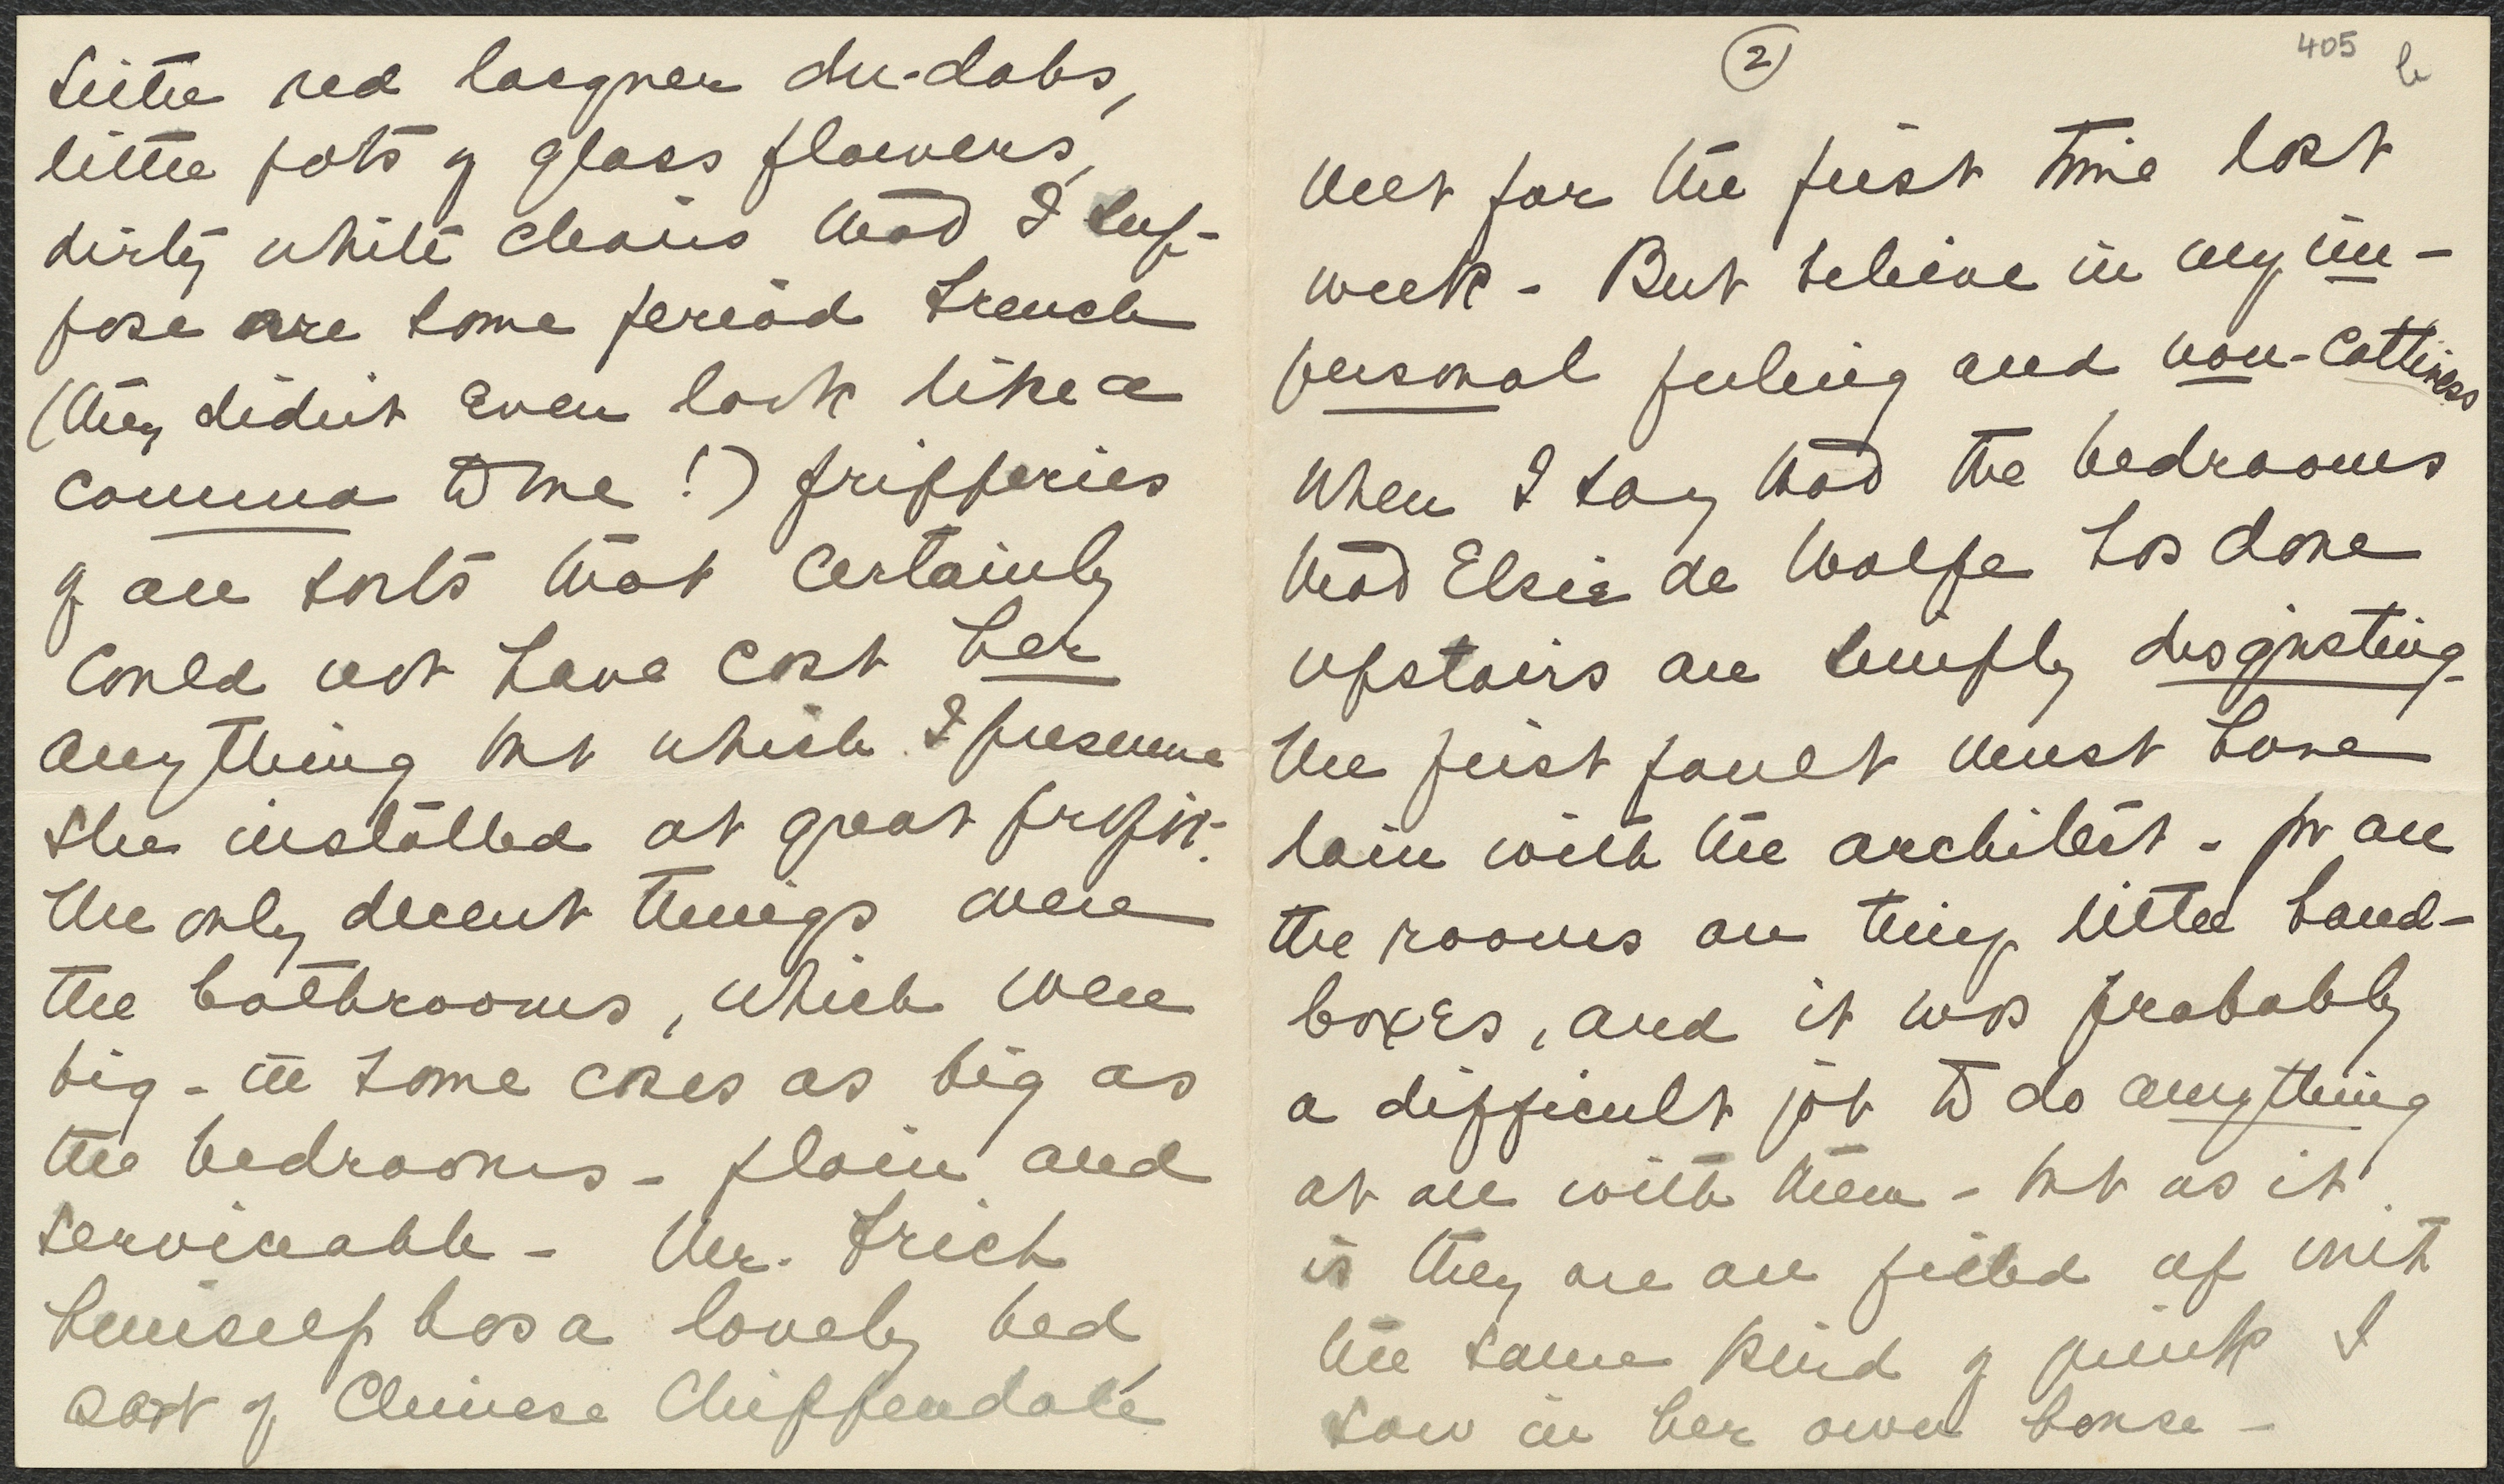met for the first time last week – But believe in my impersonal feeling and non-cattiness when I say that the bedrooms that Elsie de Wolfe has done upstairs are simply disgusting. The first fault must have lain with the architect – for all the rooms are tiny little handboxes, and it was probably a difficult job to do anything at all with them – but as it is they are all filled up with the same kind of junk I saw in her own house –
little red lacquer du-dabs, little pots of glass flowers, dirty white chairs that I suppose are some period French (they didn’t even look like a comma to me!) fripperies of all sorts that certainly could not have cost her anything but which I presume she installed at great profit. The only decent things were the bathrooms, which were big – in some cases as big as the bedrooms – plain and serviceable – Mr. Frick himself has a lovely bed, sort of Chinese Chippendale